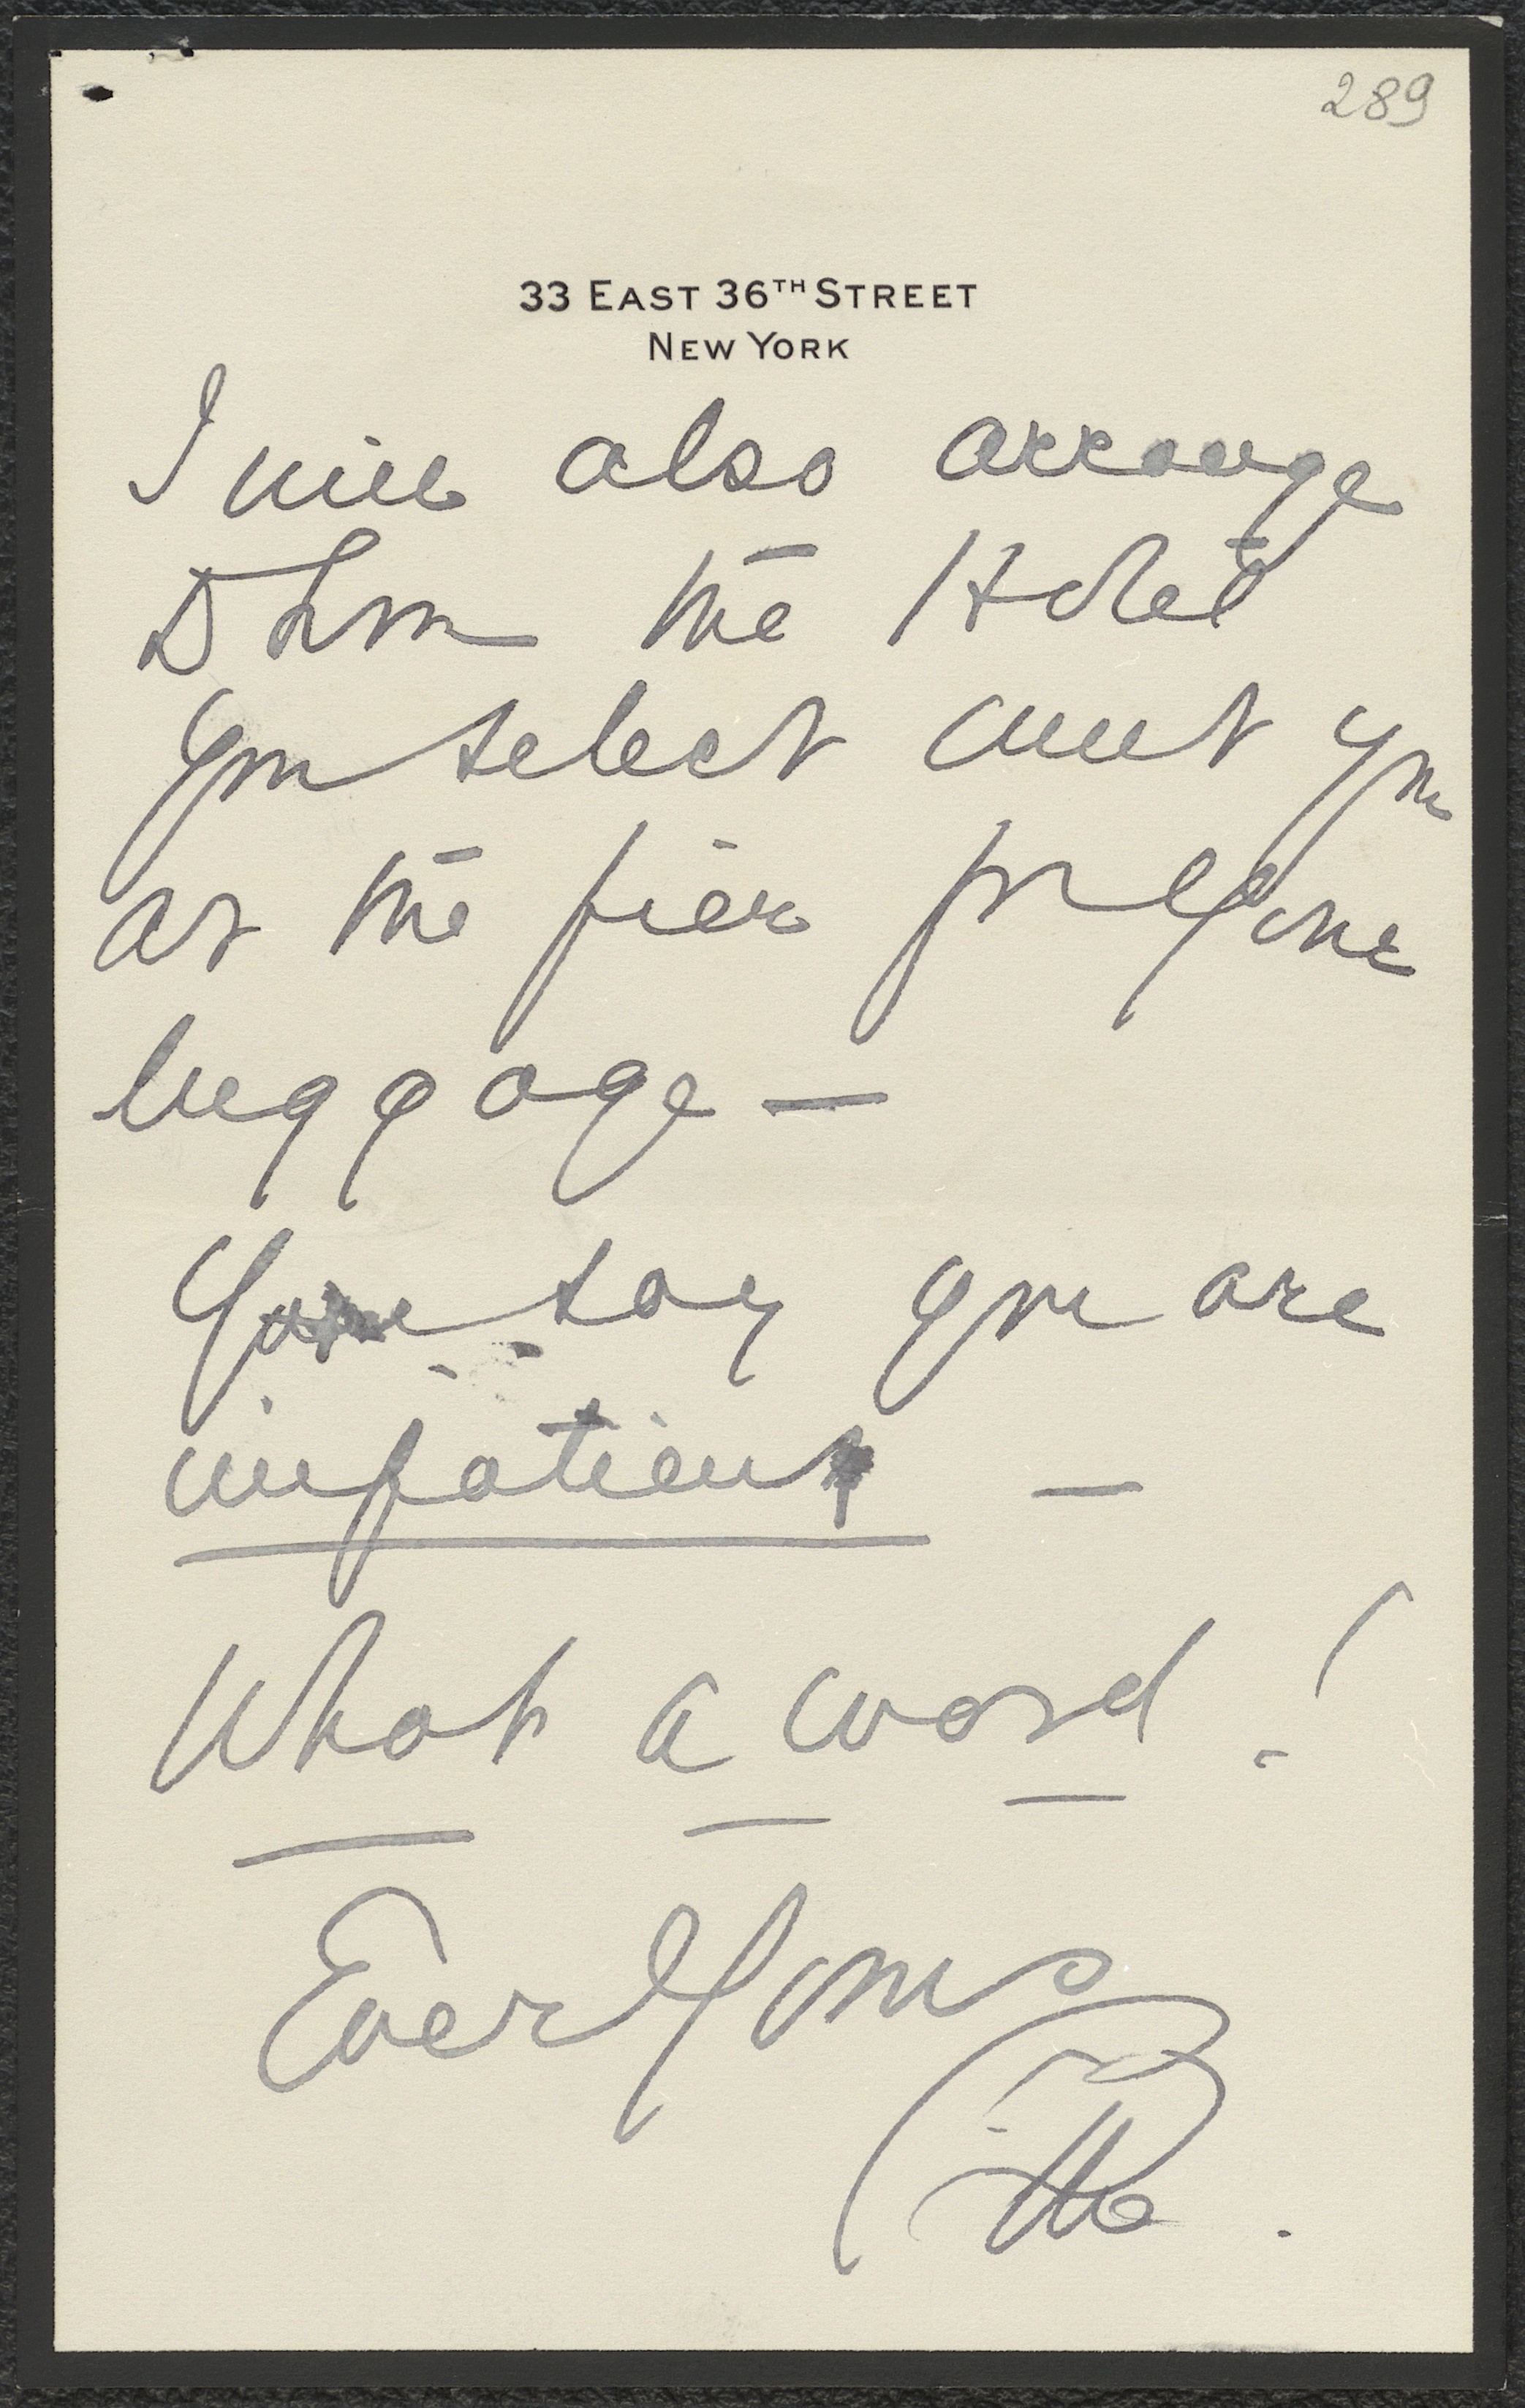I will also arrange to have the Hotel you select meet you at the pier for your luggage –
You say you are impatient –
What a word!
Ever Yours
Belle.